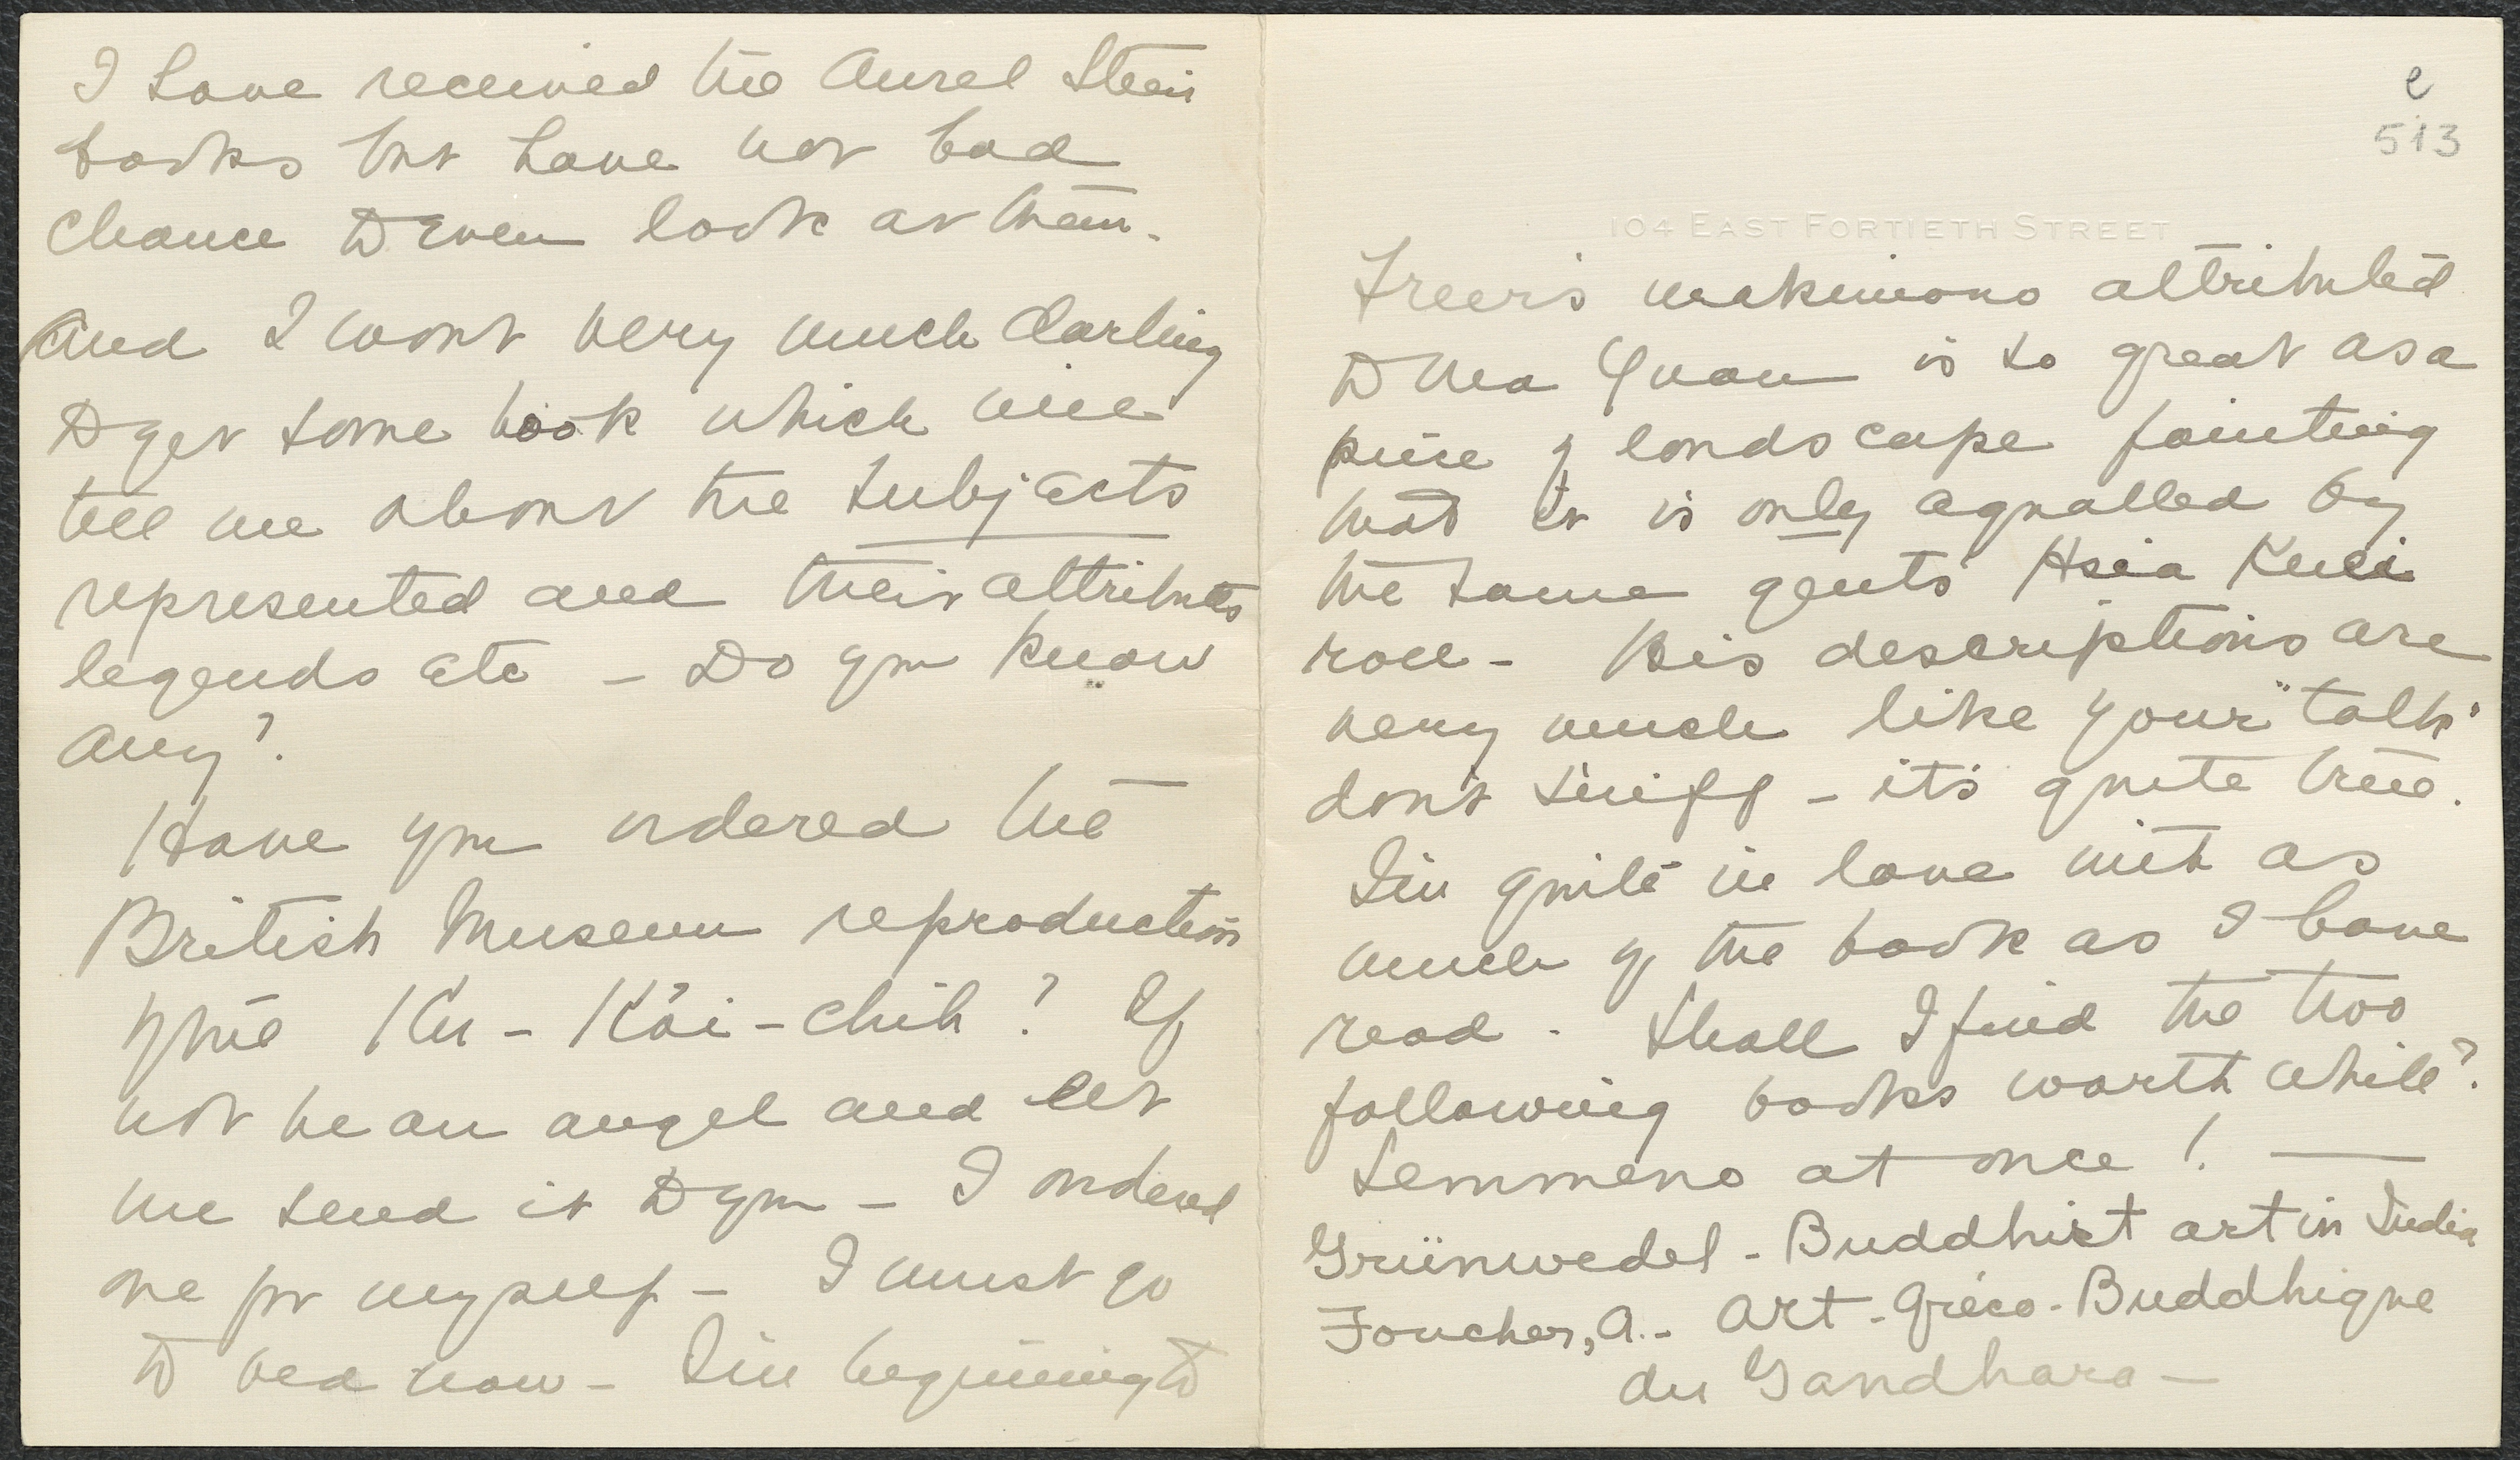Freer’s makimono attributed to Ma Yuan is so great as a piece of landscape painting that it is only aequalled by the same gent’s Hsia Kuei roll – His descriptions are very much like your “talk” don’t sniff – it’s quite true.
I’m quite in love with as much of the book as I have read. Shall I find the two following books worth while?
Lemmeno at once! –
Grünwedel – Buddhist art in India
Foucher, A. – Art-Gréco-Buddhique [sic] du Gandhara –
I have received the Aurel Stein books but have not had chance to even look at them. And I want very much darling to get some book which will tell me about the subjects represented and their attributes legends etc – Do you know any?
Have you ordered the British Museum reproduction of the Ku-K’ai-chih? If not be an angel and let me send it to you – I ordered one for myself – I must go to bed now – I’m beginning to